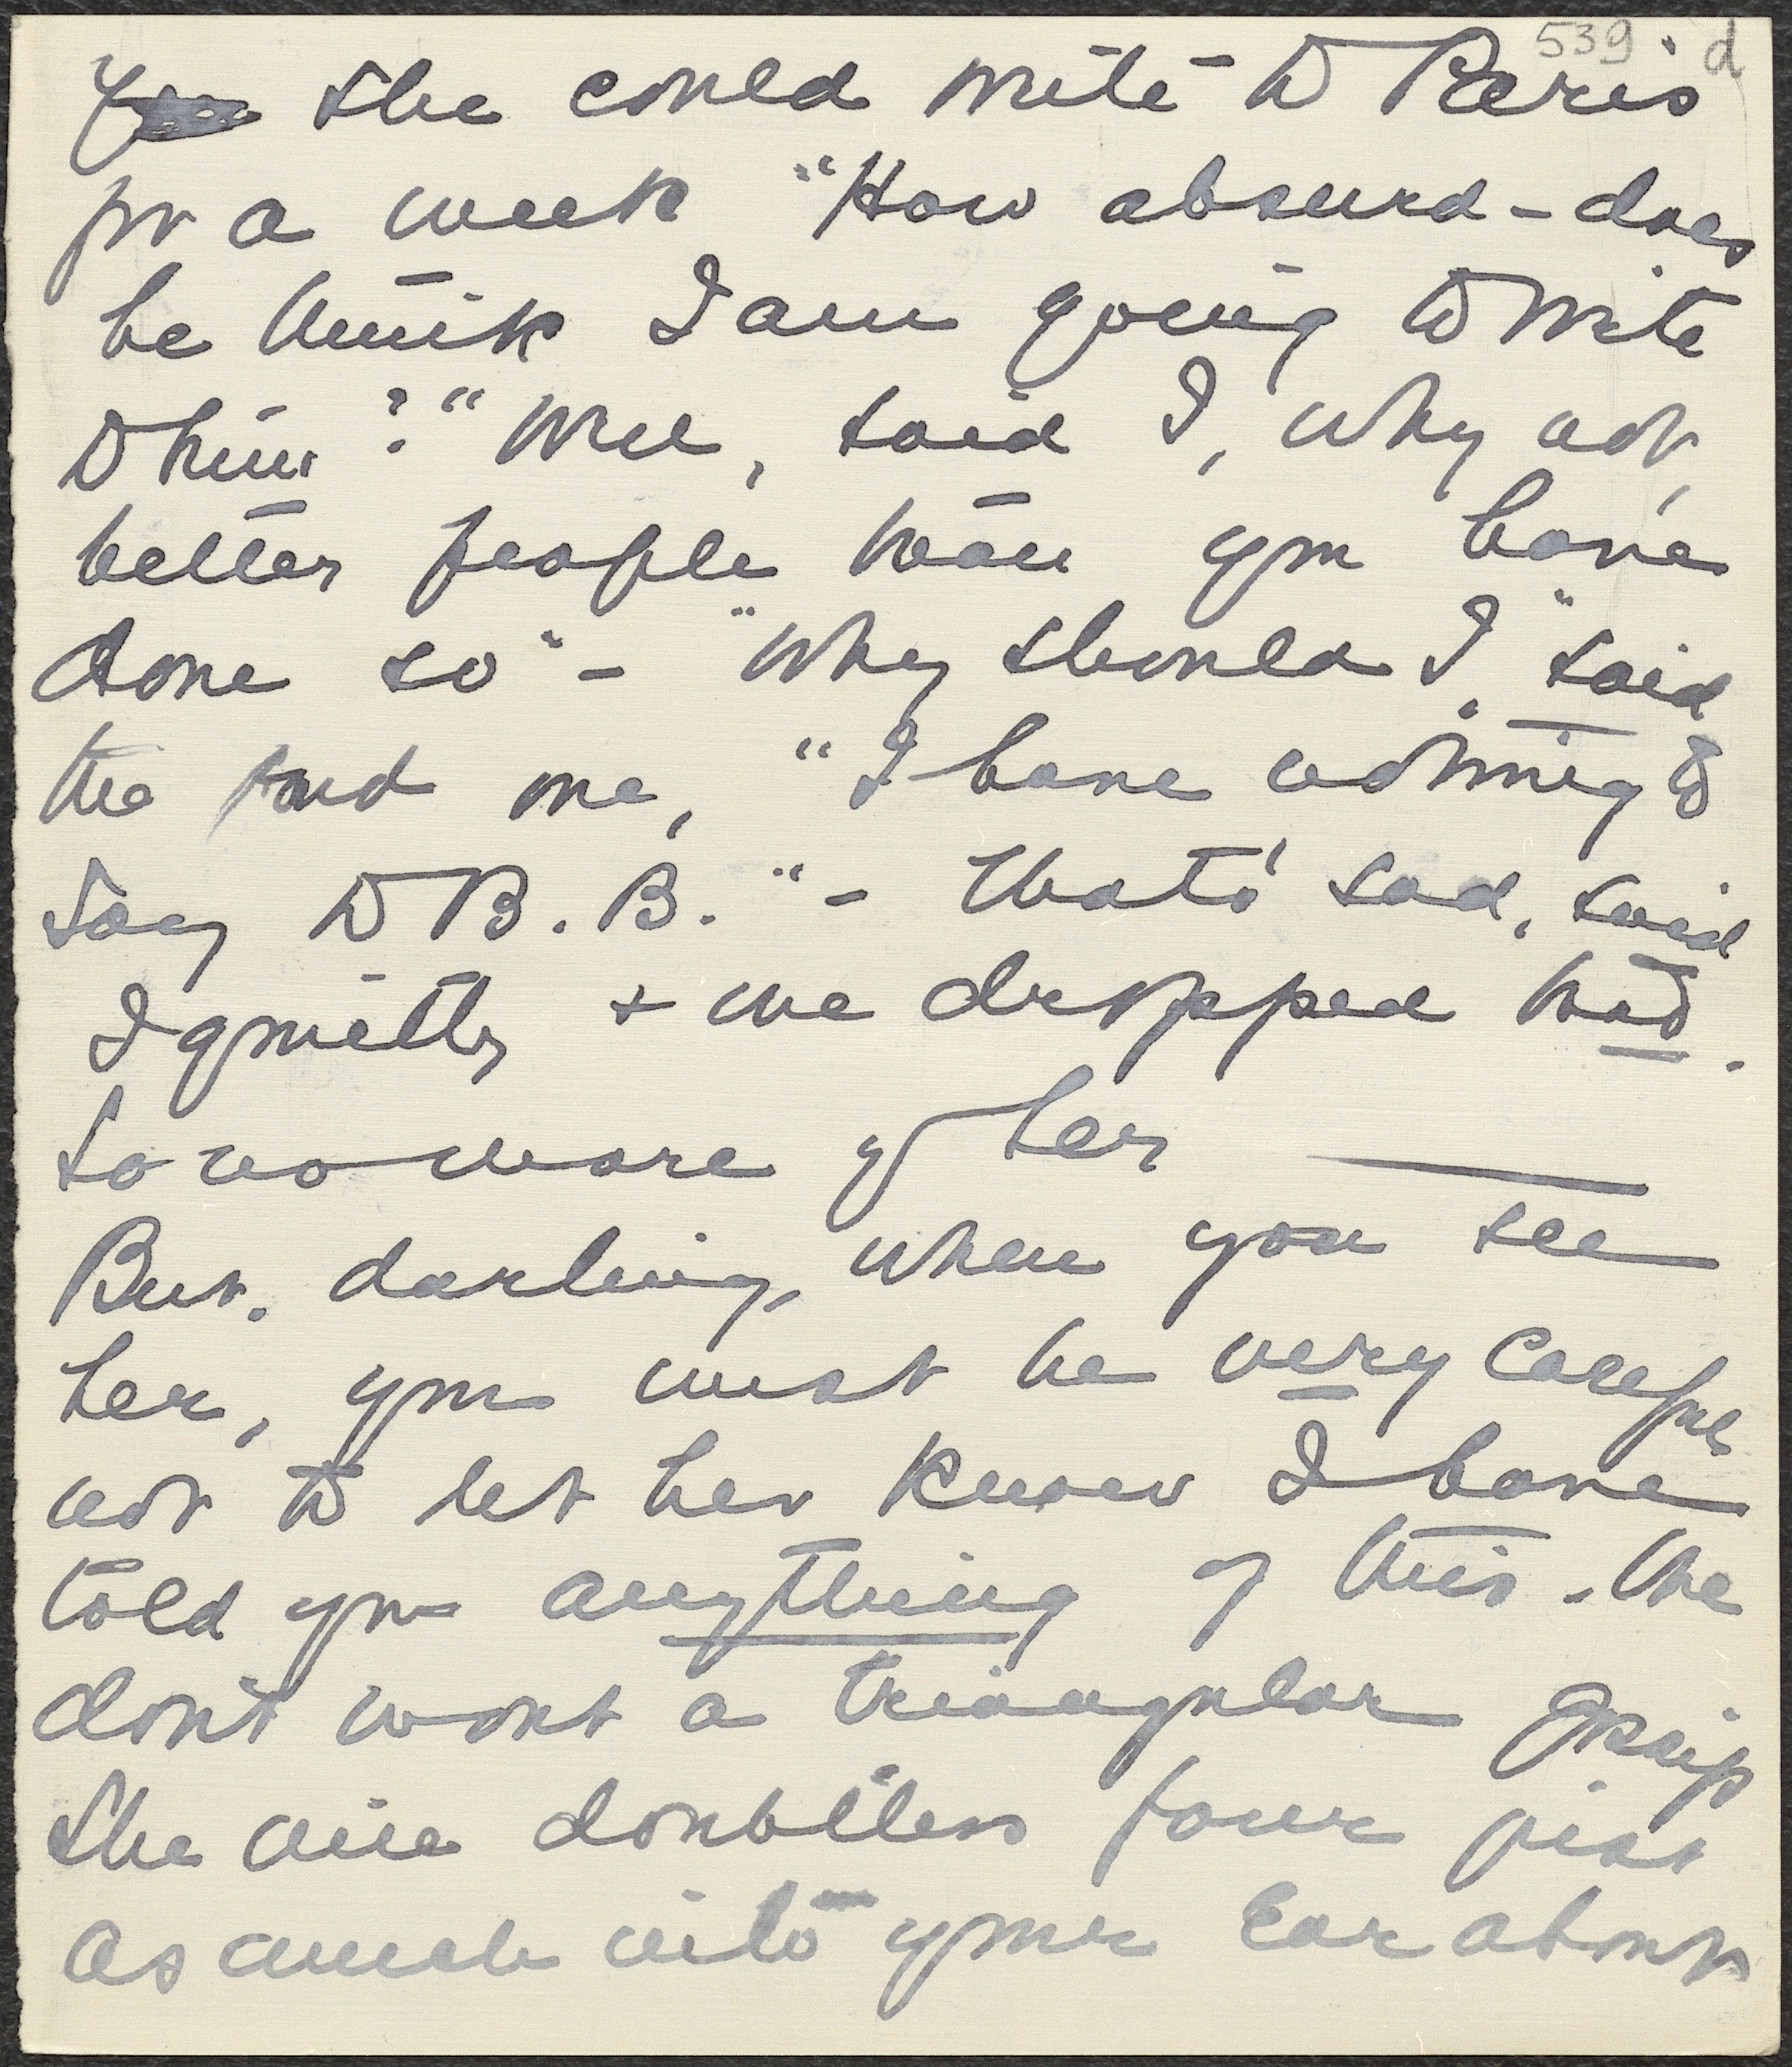you she could write to Paris for a week “How absurd – does he think I am going to write to him? “Well, said I, why not, better people than you have done so” – “Why should I,” said the fond one, “I have nothing to say to B.B.” – that’s sad, said I quietly & we dropped that.
So no more for her –
But, darling, when you see her, you must be very careful not to let her know I have told you anything of this – We don’t want a triangular gossip
She will doubtless pour just as much into your ear about